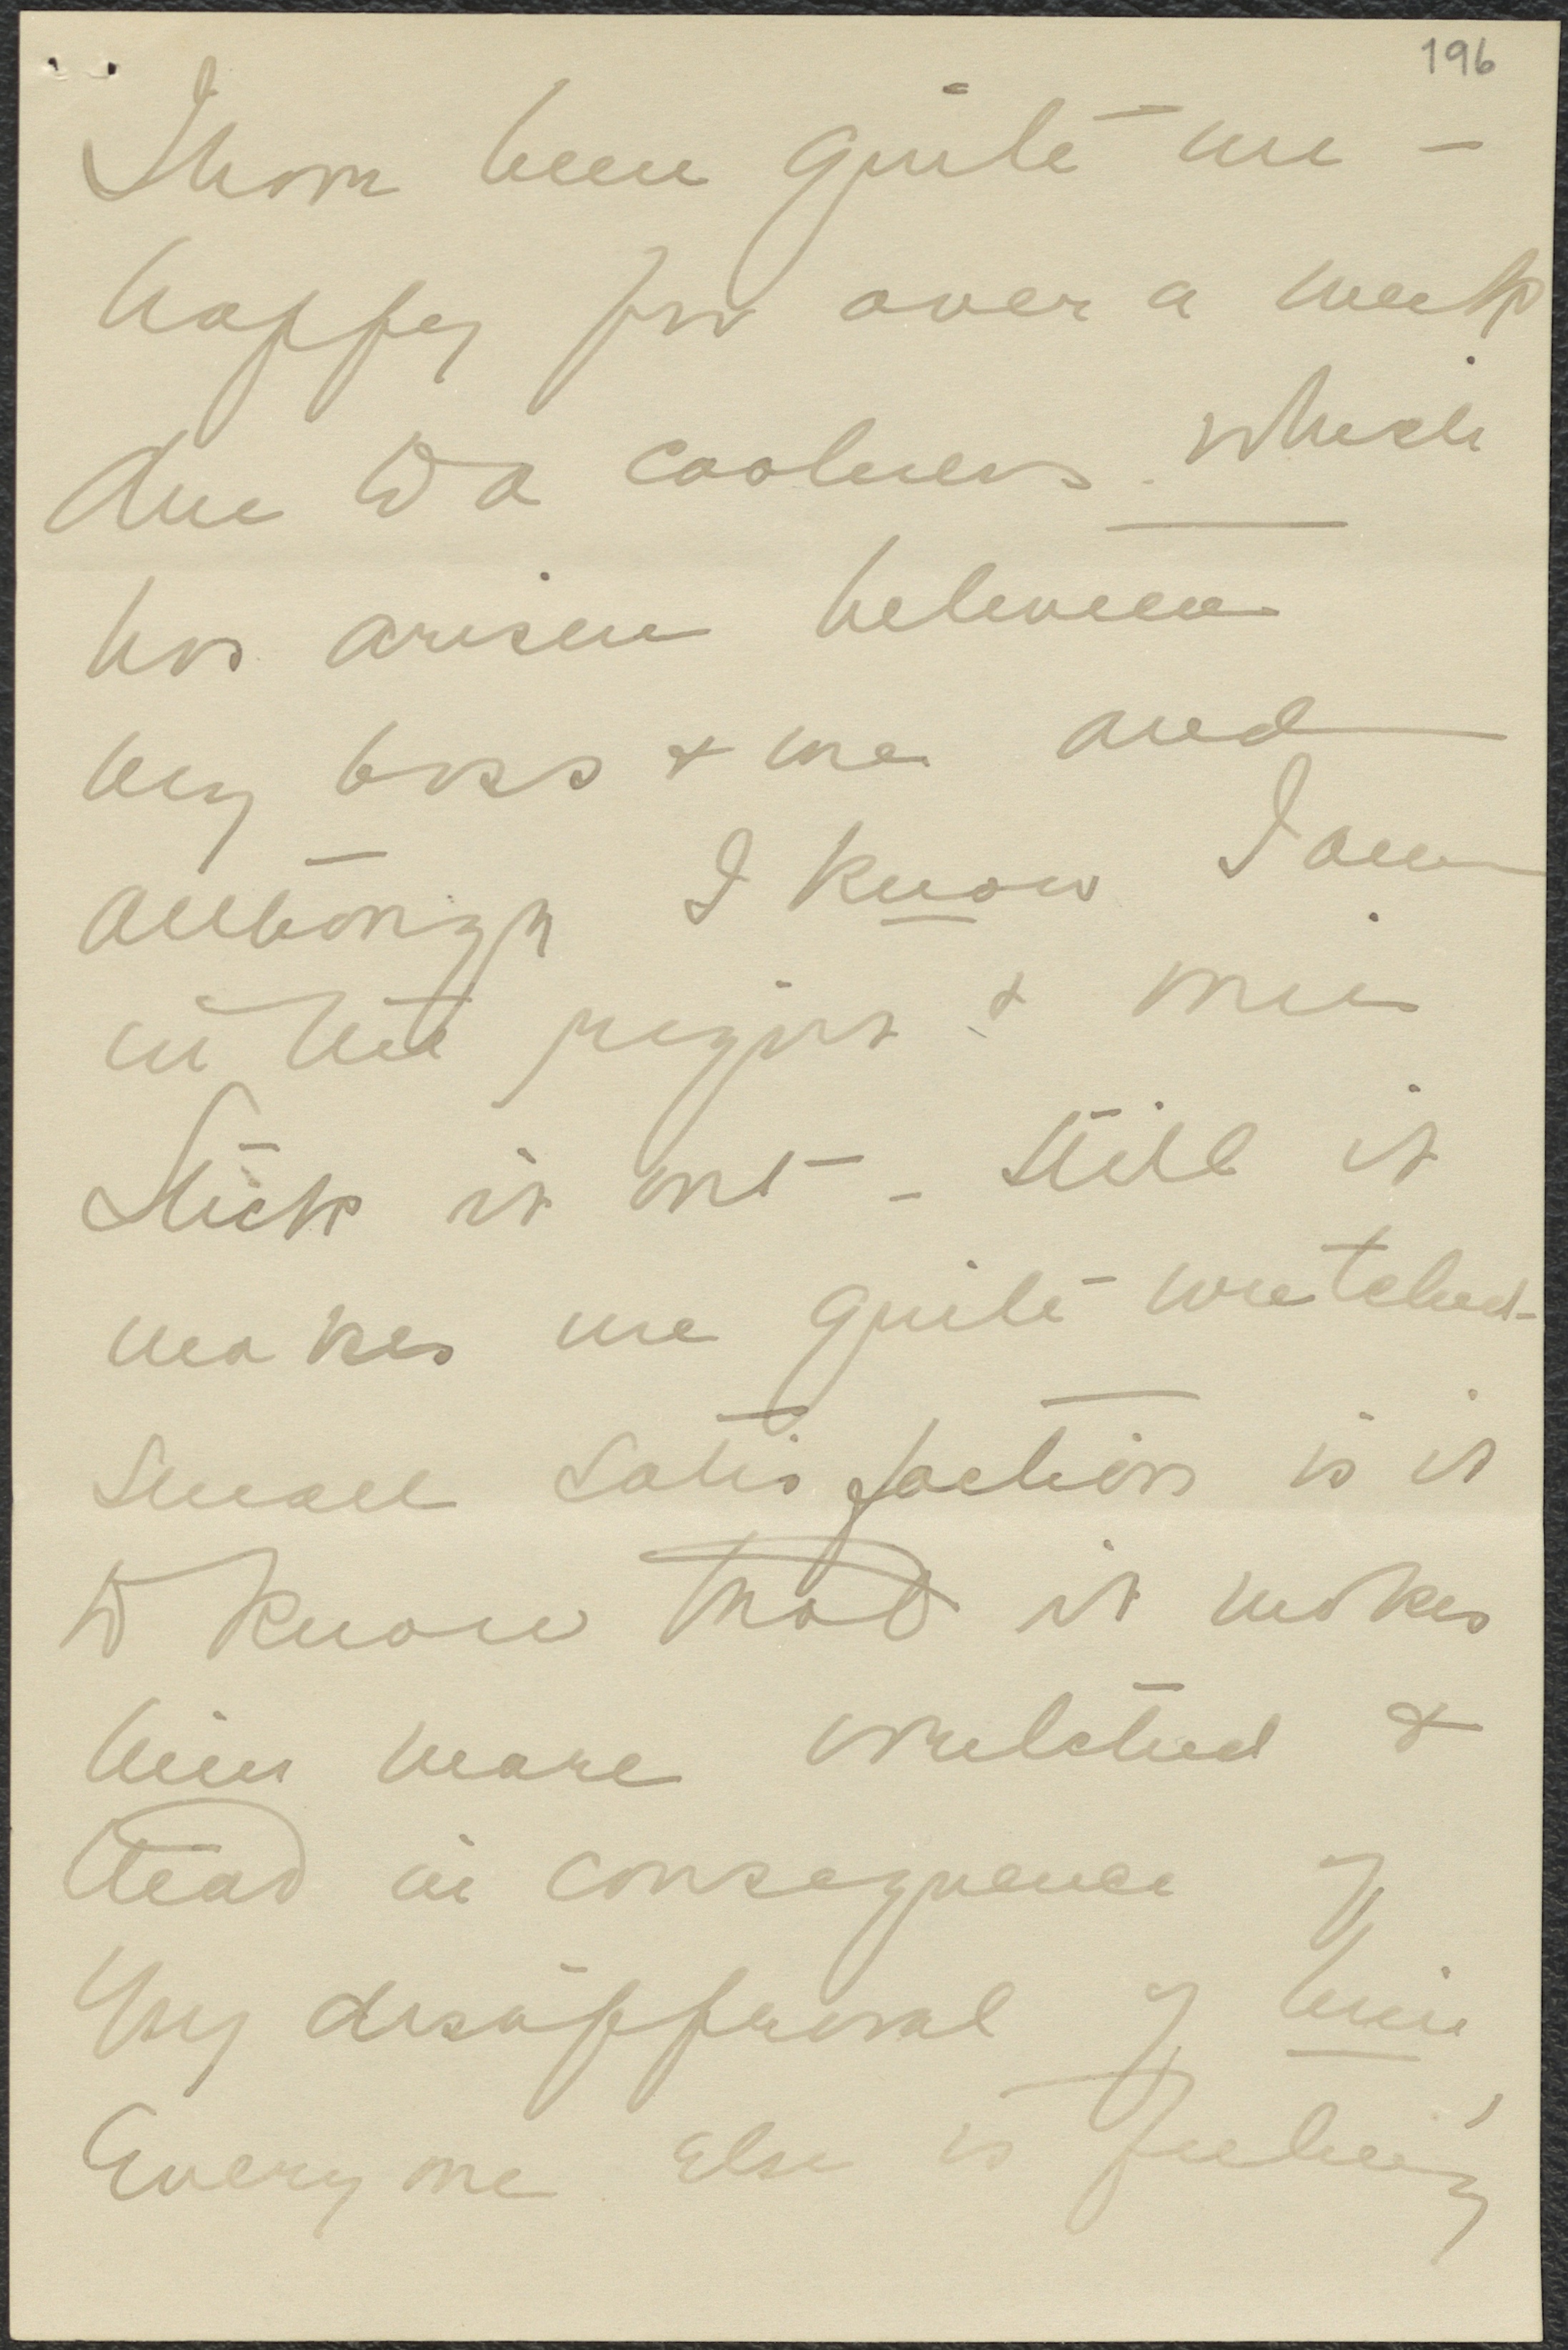I have been quite unhappy for over a week due to a coolness which has arisen between my boss & me and although I know I am in the right & will stick it out – still it makes me quite wretched – small satisfaction is it to know that it makes him more wretched & that in consequence of my disapproval of him, every one else is feeling